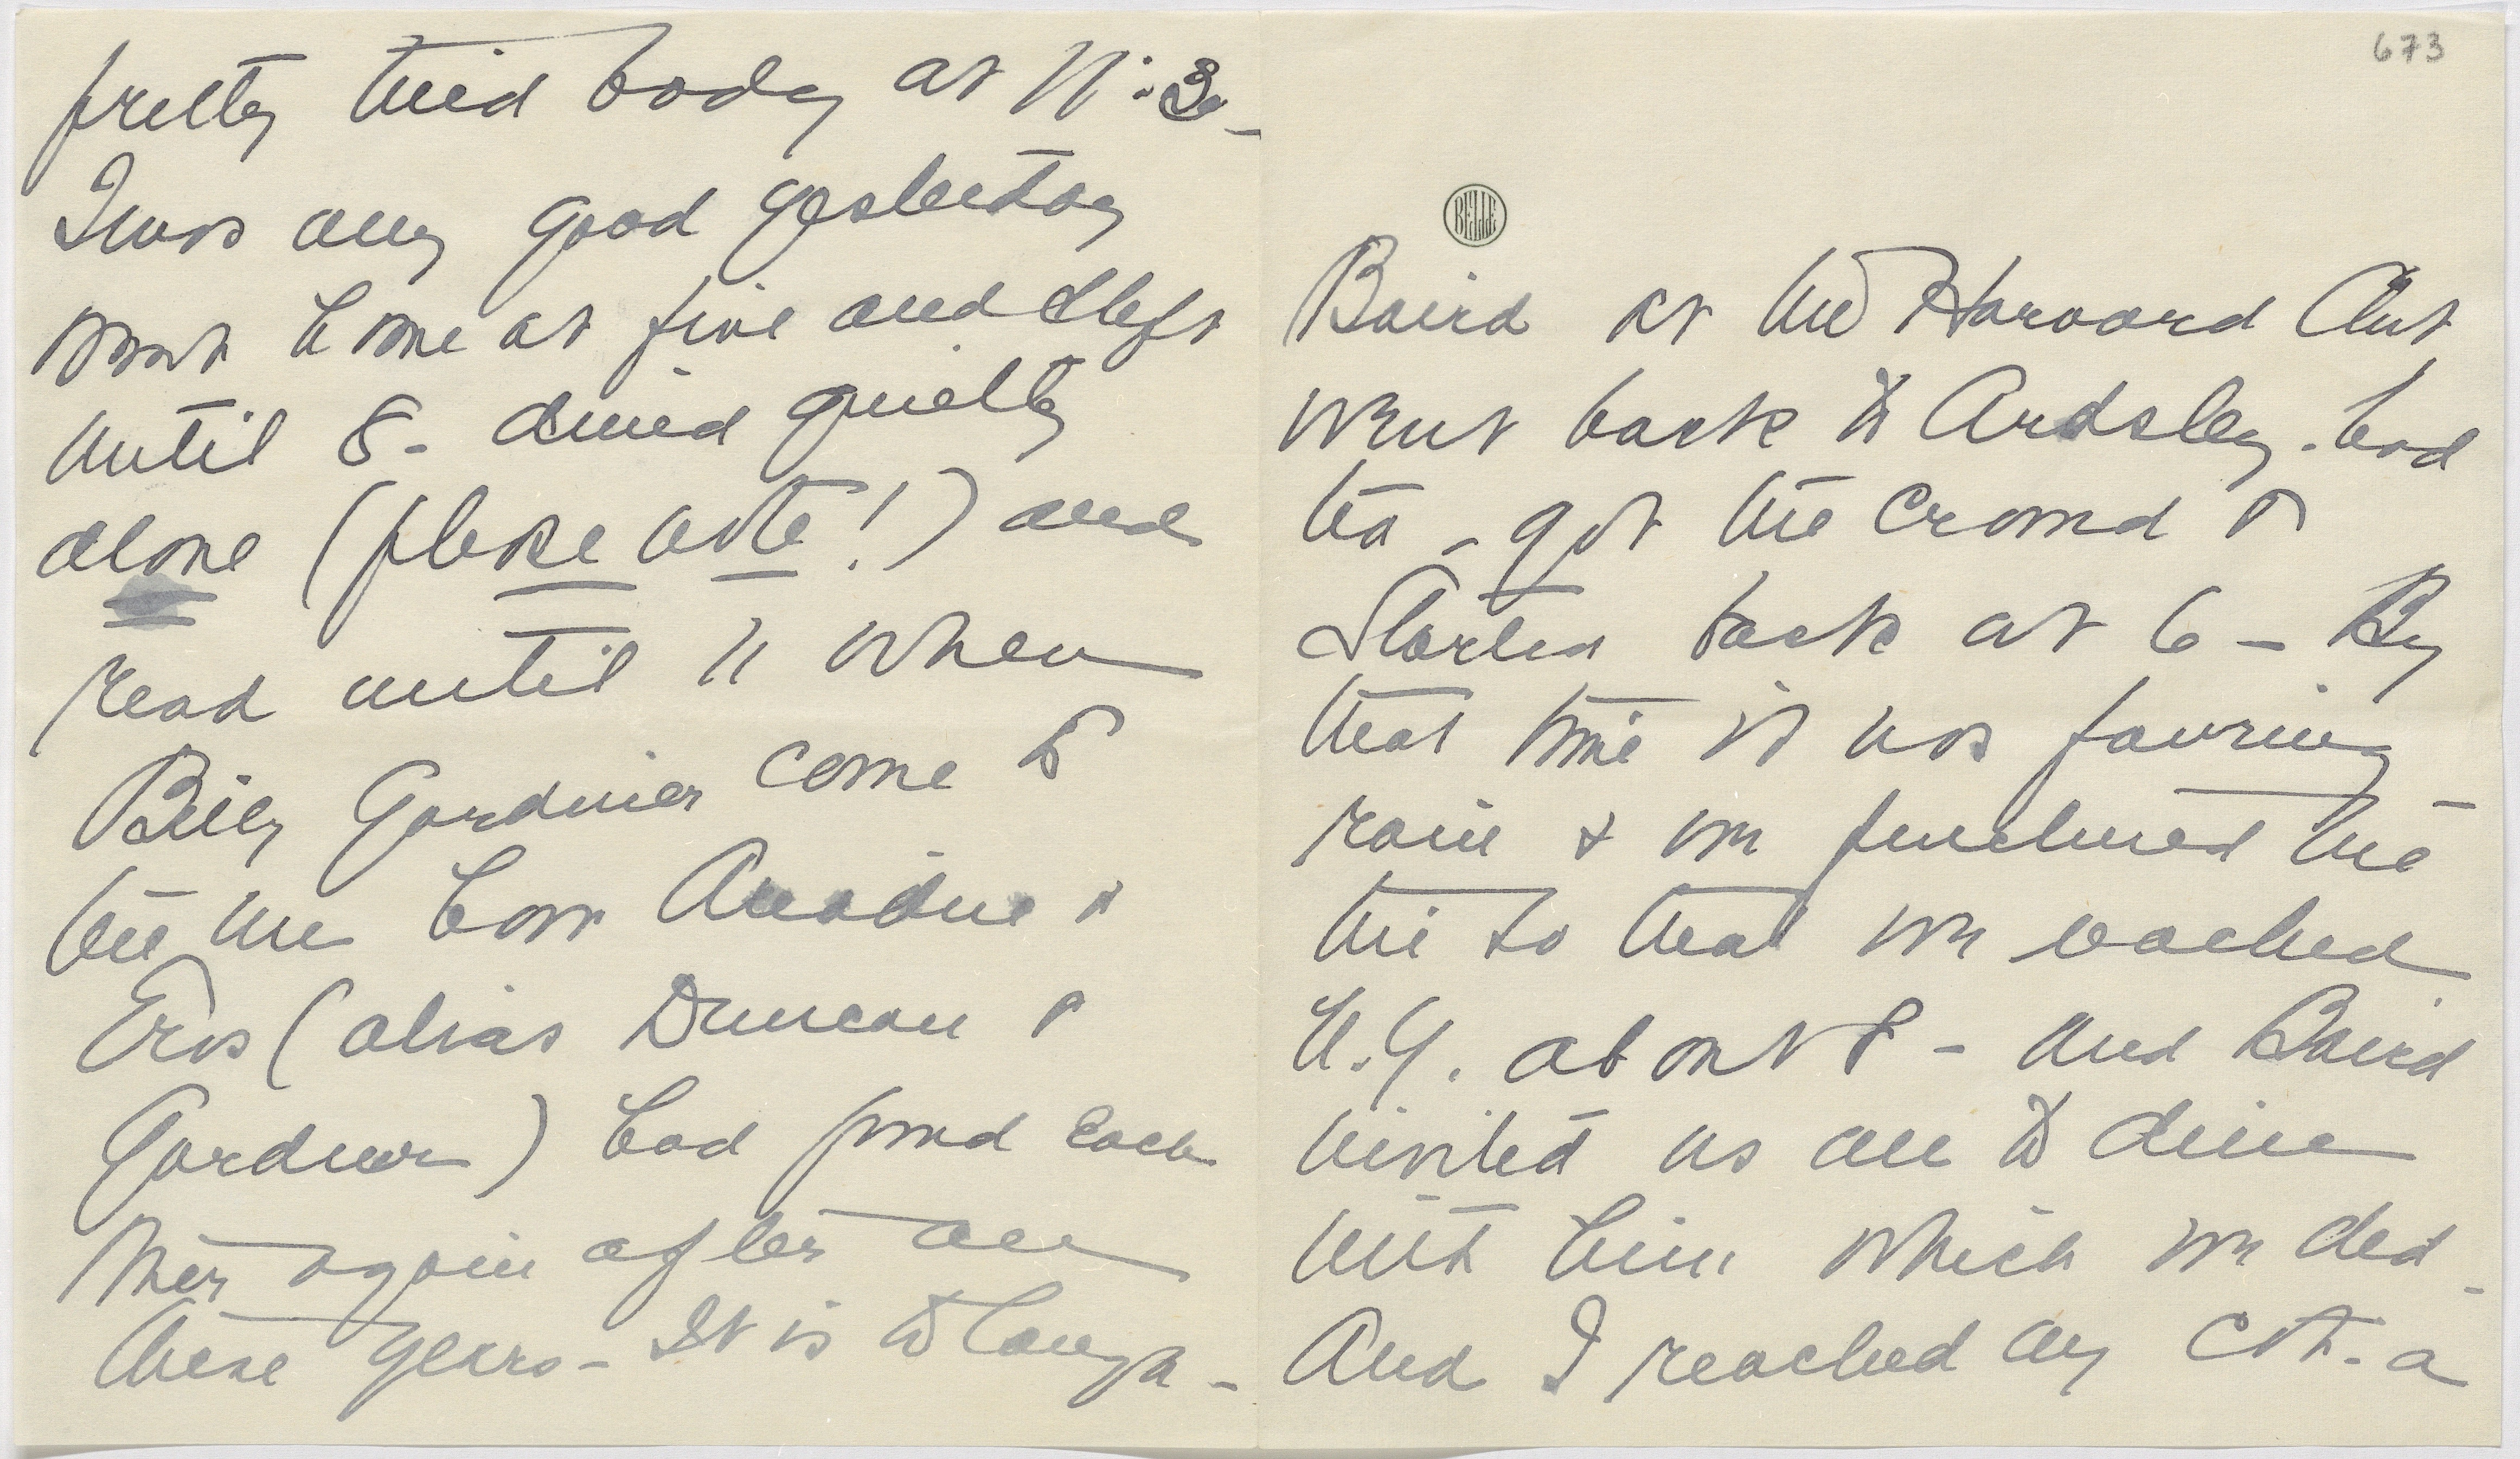Baird at the Harvard Club, went back to Ardsley – had tea – got the crowd & started back at 6 – By that time it was pouring rain & we punctured the tire so that we reached N.Y. about 8 – and Baird invited us all to dine with him which we did – And I reached my cot a
pretty tired body at 11:30 – I was very good yesterday went home at five and slept until 8 – dined quietly [double underlined: alone] (please note!) and read until 11 when Billy Gardiner came to tell me how Ariadne & Eros/Eris (alias Duncan & Gardner) had found each other again after all these years – It is to laugh –